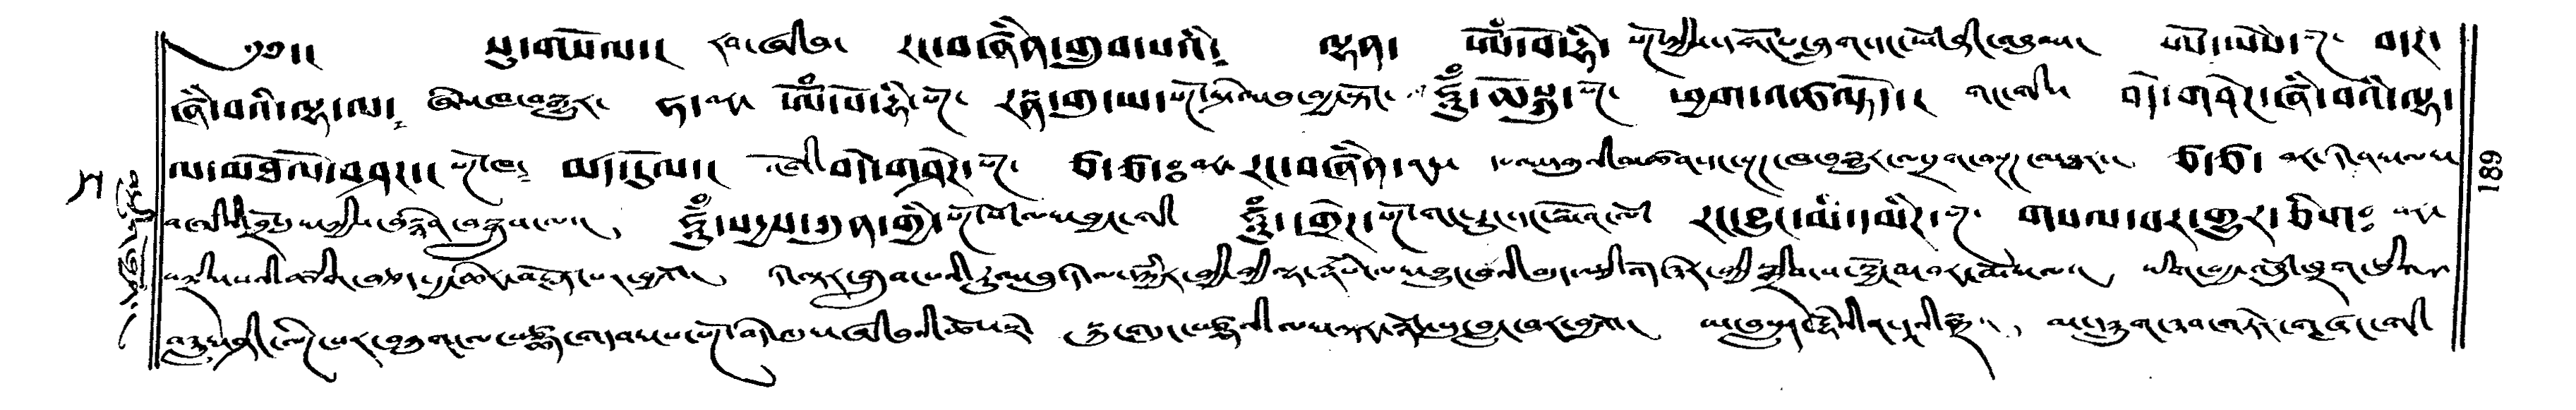སུ་གསོལ༔ རབ་ཞི་བ། རང་བཞིན་གྲུབ་པའི༴ ཨོཾ་བོ་དྡྷི༴ སོགས་ཀྱིས་དགང་བླུག་དང་ཡམ་ཤིང་འབུལ། ཨོཾ་ཡེ་ཤེས་སོགས། བདག་ཅག་
ཞི་བའི་ལྷ་ལ༴ ཞེས་ཁ་སྒྱུར། སྭ་ཧཱ༔ བར། ཨོཾ་བོ་དྡྷི་སོགས། རཏྣ་གུ་ཡ༴ སོགས་སྤེལ་བ་བརྒྱ་སྟོང་། ཧཱུྃ༔ཆོས་སྐུ༴ སོགས། ཕྱག་འཚལ་བསྟོད། གང་གི བདེ་གཤེགས་ཞི་བའི་ལྷ་
ལ་མཐོལ་ལོ་བཤགས༴ སོགས། མཛད་དུ་གསོལ༔བར། འོག་གི བདེ་གཤེགས་སོགས། ཙ་ཙ༔ བར། རང་བཞིན༴ ནས། དཔལ་དགུའི་མཚན་དང་སྔགས་ཁ་བསྒྱུར་ལ་དྲག་སྔགས་མཐར། ཙ་ཙ༔ བར། དེ་ནས་ལས་
བཞིའི་བྲོ་དུས་ཀྱི་སྙེན་སྒྲུབ་ལ། ཧཱུྃ༔ སངས་རྒྱས་ཀུན་གྱི༴ སོགས་སམ་ལས་བྱང་གི ཧཱུྃ༔དགྲ་བགེགས་སོགས་གང་རུང་དང་སྨོན་ལམ། རང་བྱུང་མི་དམིགས༴ སོགས། གསལ་པར་གྱུར་ཅིག༔ བར་
བཀྲ་ཤིས་པའི་ཚིགས་བཅད་རྒྱ་ཆེར་བརྗོད་པར་བྱའོ། དེ་ལྟར་གྲུབ་པའི་རིལ་བུ་དེ་ལ་དཀྱིལ་འཁོར་གྱི་ལྷ་རྣམས་ལས་བྱུང་བའི་བདུད་རྩིའི་འོད་ཟེར་གྱིས་སྒྲིབ་པ་སྦྱོང་བར་སྨོན་ལ། ཡིག་བརྒྱ་འབུམ་ཕྲག་གཅིག་
བཟླས་ཤིང་ལེགས་པར་བཀུག་ལ་སཙྪ་གདབ་པ་སོགས་བདེ་འདུས་ཞི་བའི་ཆོས་སྡེ་སྐུ་གདུང་ཚད་ལྡན་གྱྀ་ལས་ལྟར་ཉམས་སུ་བླང་བར་བྱའོ། །མ་བསླད་རྡོ་རྗེ་ན་དཱའི་སྒྲ། །མ་དཀྲུགས་ཟབ་གཏེང་གཞུང་གི་